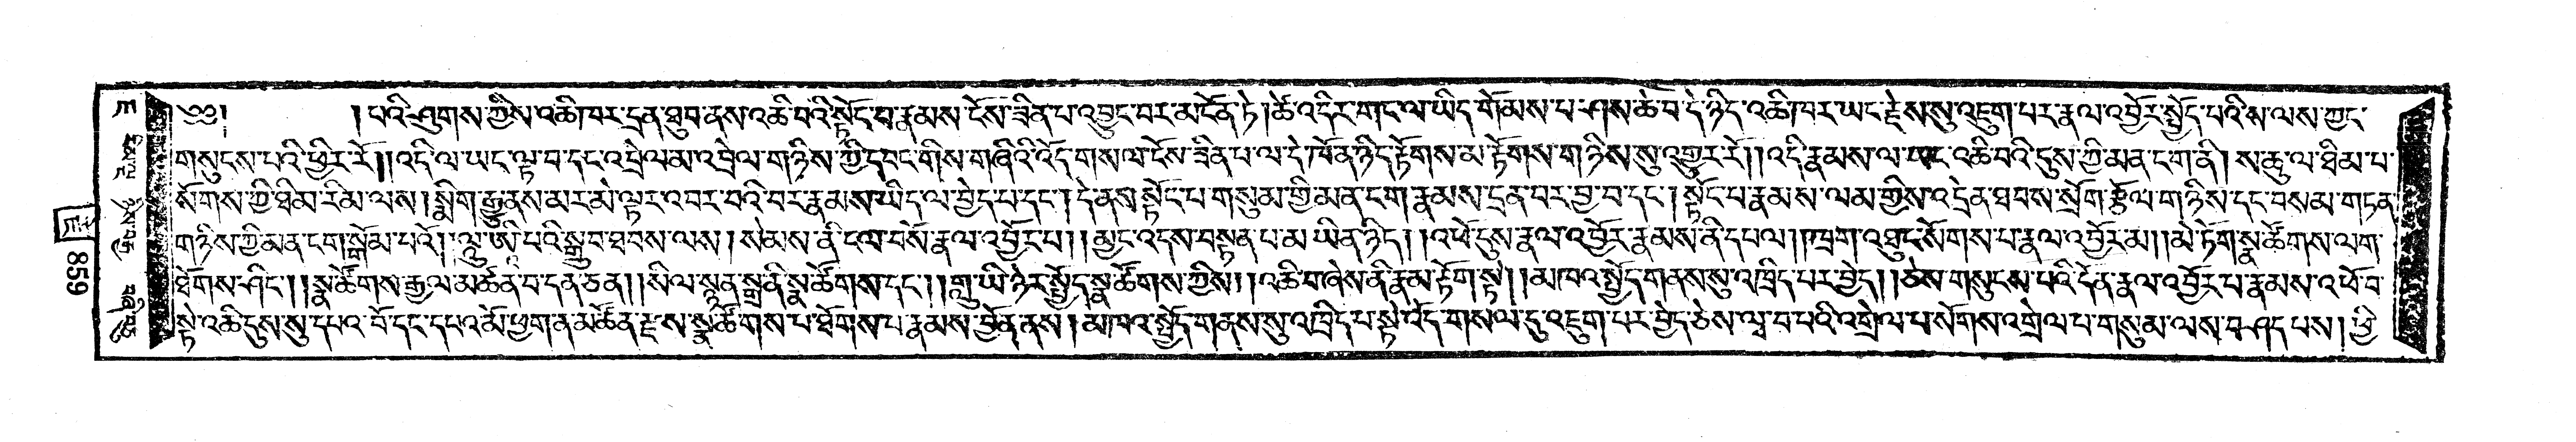༄༅། །པའི་ཤུགས་ཀྱིས་འཆི་ཁར་དྲན་ཐུབ་ནས་འཆི་བའི་སྟོང་པ་རྣམས་ངོས་ཟིན་པ་འབྱུང་བར་མངོན་ཏེ། ཚེ་འདིར་གང་ལ་ཡིད་གོམས་པ་ཤས་ཆེ་བ་དེ་ཉིད་འཆི་ཁར་ཡང་རྗེས་སུ་འཇུག་པར་རྣལ་འབྱོར་སྤྱོད་པའི་ས་ལས་ཀྱང་
གསུངས་པའི་ཕྱིར་རོ། །འདི་ལ་ཡང་ལྟ་བ་དང་འབྲེལ་མ་འབྲེལ་གཉིས་ཀྱི་དབང་གིས་གཞིའི་འོད་གསལ་ངོས་ཟིན་པ་ལ་དེ་ཁོ་ན་ཉིད་རྟོགས་མ་རྟོགས་གཉིས་སུ་འགྱུར་རོ། །འདི་རྣམས་ལ་ཡང་འཆི་བའི་དུས་ཀྱི་མན་ངག་ནི། ས་ཆུ་ལ་ཐིམ་པ་
སོགས་ཀྱི་ཐིམ་རིམ་ལས། སྨིག་རྒྱུ་ནས་མར་མེ་ལྟར་འབར་བའི་བར་རྣམས་ཡིད་ལ་བྱེད་པ་དང་། དེ་ནས་སྟོང་པ་གསུམ་གྱི་མན་ངག་རྣམས་དྲན་པར་བྱ་བ་དང་། སྟོང་པ་རྣམས་ལམ་གྱིས་འདྲེན་ཐབས་སྲོག་རྩོལ་གཉིས་དང་བསམ་གཏན་
གཉིས་ཀྱི་མན་ངག་སྒོམ་པའོ། །ལཱུ་ཨཱི་པའི་སྒྲུབ་ཐབས་ལས། སེམས་ནི་ངལ་བསོ་རྣལ་འབྱོར་པ། །མྱང་འདས་བསྟན་པ་མ་ཡིན་ཉིད། །འཕོ་དུས་རྣལ་འབྱོར་རྣམས་ནི་དཔལ། །ཁྲག་འཐུང་སོགས་པ་རྣལ་འབྱོར་མ། །མེ་ཏོག་སྣ་ཚོགས་ལག་
ཐོགས་ཤིང་། །སྣ་ཚོགས་རྒྱལ་མཚན་བ་དན་ཅན། །སིལ་སྙན་སྒྲ་ནི་སྣ་ཚོགས་དང་། །གླུ་ཡི་ཉེར་སྤྱོད་སྣ་ཚོགས་ཀྱིས། །འཆི་བ་ཞེས་ནི་རྣམ་རྟོག་སྟེ། །མཁའ་སྤྱོད་གནས་སུ་འཁྲིད་པར་བྱེད། །ཅེས་གསུངས་པའི་དོན་རྣལ་འབྱོར་པ་རྣམས་འཕོ་བ་
སྟེ་འཆི་དུས་སུ་དཔའ་བོ་དང་དཔའ་མོ་ཕྱག་ན་མཚོན་རྫས་སྣ་ཚོགས་པ་ཐོགས་པ་རྣམས་བྱོན་ནས། མཁའ་སྤྱོད་གནས་སུ་འཁྲིད་པ་སྟེ་འོད་གསལ་དུ་འཇུག་པར་བྱེད་ཅེས་ལྭ་བ་པའི་འགྲེལ་པ་སོགས་འགྲེལ་པ་གསུམ་ལས་བཤད་པས། ཕྱི་